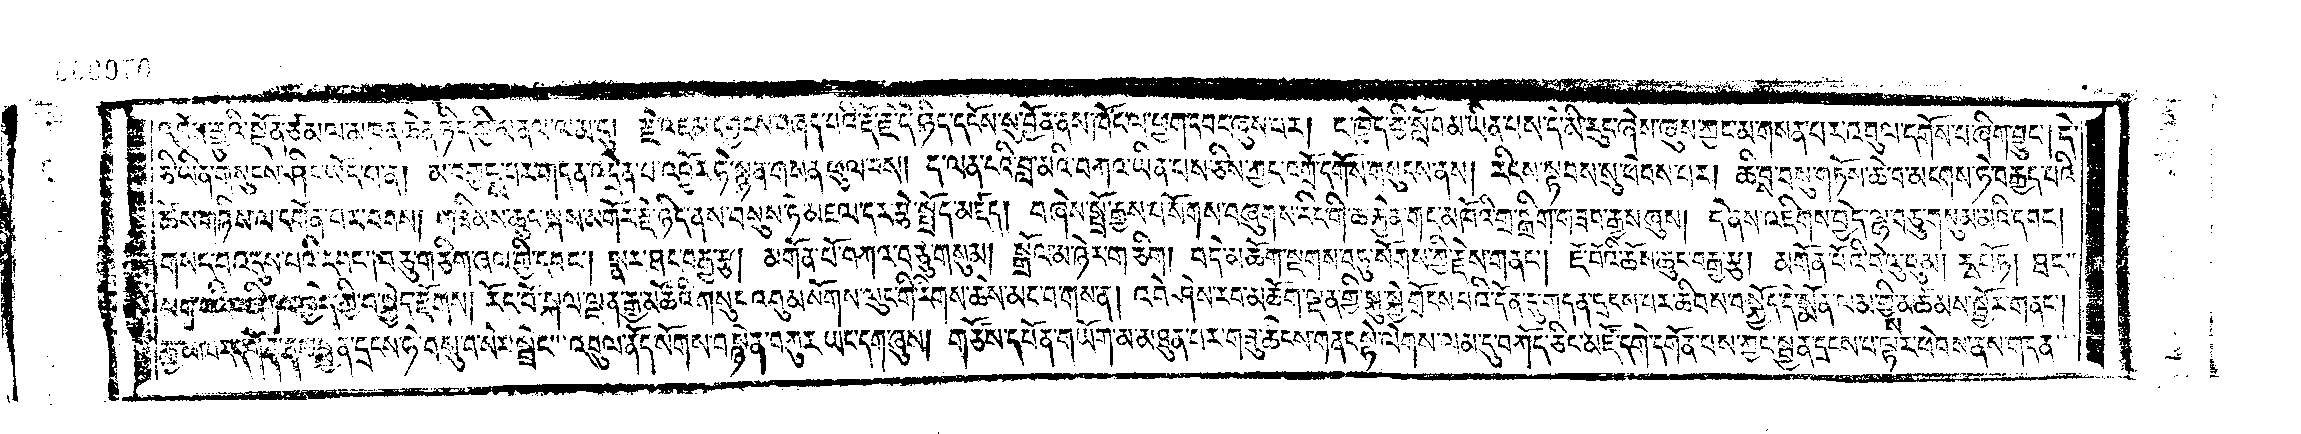འབྱོན་རྒྱུའི་སྔོན་ཙམ་ལ་མཁན་ཆེན་ཉིད་ཀྱི་མནལ་ལམ་དུ། རྗེ་འཇམ་དབྱངས་བཞད་པའི་རྡོ་རྗེ་དེ་ཉིད་དངོས་སུ་བྱོན་ནས་ཁོང་ལ་ཕྱག་དབང་ཞུས་པར། ང་ཁྱེད་ཀྱི་སློབ་མ་ཡིན་པས་དེ་མི་རུང་ཞེས་ཞུས་ཀྱང་མ་གསན་པར་འབུལ་དགོས་པ་ཞིག་བྱུང་། དེ་
ཅི་ཡིན་གསུངས་ཤིང་ཡོད་པ་ན། མ་འགྱངས་པར་གདན་འདྲེན་པ་འབྱོར་ཏེ་སྙན་གསན་ཕུལ་བས། ད་ལན་ངའི་བླ་མའི་བཀའ་ཡིན་པས་ཅིས་ཀྱང་འགྲོ་དགོས་གསུངས་ནས། རིངས་སྟབས་སུ་ཕེབས་པར། ཆིབས་བསུ་གཏོས་ཆེ་བ་མངགས་ཏེ་བརྒྱད་པའི་
ཆོས་གཉིས་ལ་དགོན་པར་བབས། གཟིམས་ཆུང་སྐས་མགོར་རྗེ་ཉིད་ནས་བསུས་ཏེ་མཇལ་དར་རྩེ་སྤྲོད་མཛད། བཞེས་སྤྲོ་རྒྱས་པ་སོགས་བཞུགས་རིང་གི་ཆ་རྐྱེན་གང་མཁོའི་གྲ་སྒྲིག་གཟབ་རྒྱས་ཞུས། དེ་ནས་འཇིགས་བྱེད་ལྷ་བཅུ་གསུམ་མའི་དབང་།
གསང་བ་འདུས་པའི་དབང་། བཅུ་གཅིག་ཞལ་གྱི་དབང་། སྣར་ཐང་བརྒྱ་རྩ། མགོན་པོ་བཀའ་བཅུ་གསུམ། སྒྲོལ་མ་ཉེར་གཅིག། བདེ་མཆོག་སྔགས་བཏུ་སོགས་ཀྱི་རྗེས་གནང་། ཇོ་བོའི་ཆོས་ཆུང་བརྒྱ་རྩ། མགོན་པོའི་བེའུ་བུམ། རྭ་པོ་ཏ། ཐང་
སག་པའི་འཇིགས་བྱེད་ཀྱི་བསྐྱེད་རྫོགས། རོང་པོ་སྐལ་ལྡན་རྒྱ་མཚོའི་གསུང་འབུམ་སོགས་ལུང་གི་རིགས་ཆེས་མང་བ་གསན། འབེ་ཤེས་རབ་མཆོག་ལྡན་གྱི་སྐུ་སྐྱེ་གྲོངས་པའི་དོན་དུ་གདན་དྲངས་པར་ཆིབས་བསྐྱོད་དེ་སྨོན་ལམ་གྱི་མཚམས་སྦྱོར་གནང་།
རྒྱ་མཁར་དགོན་ནས་སྤྱན་དྲངས་ཏེ་བསུ་བ་སེར་སྤྲེང་འབུལ་ནོད་སོགས་བསྙེན་བཀུར་ཡང་དག་ཞུས། གཙོས་དཔོན་གཡོག་མ་མཐུན་པར་གཟུ་ཆིངས་གནང་སྟེ་ལེགས་ལམ་དུ་བཀོད་ཅིང་མཛོ་དགེ་དགོན་པས་ཀྱང་སྤྱན་དྲངས་པ་ལྟར་ཕེབས་ནས་གདན་